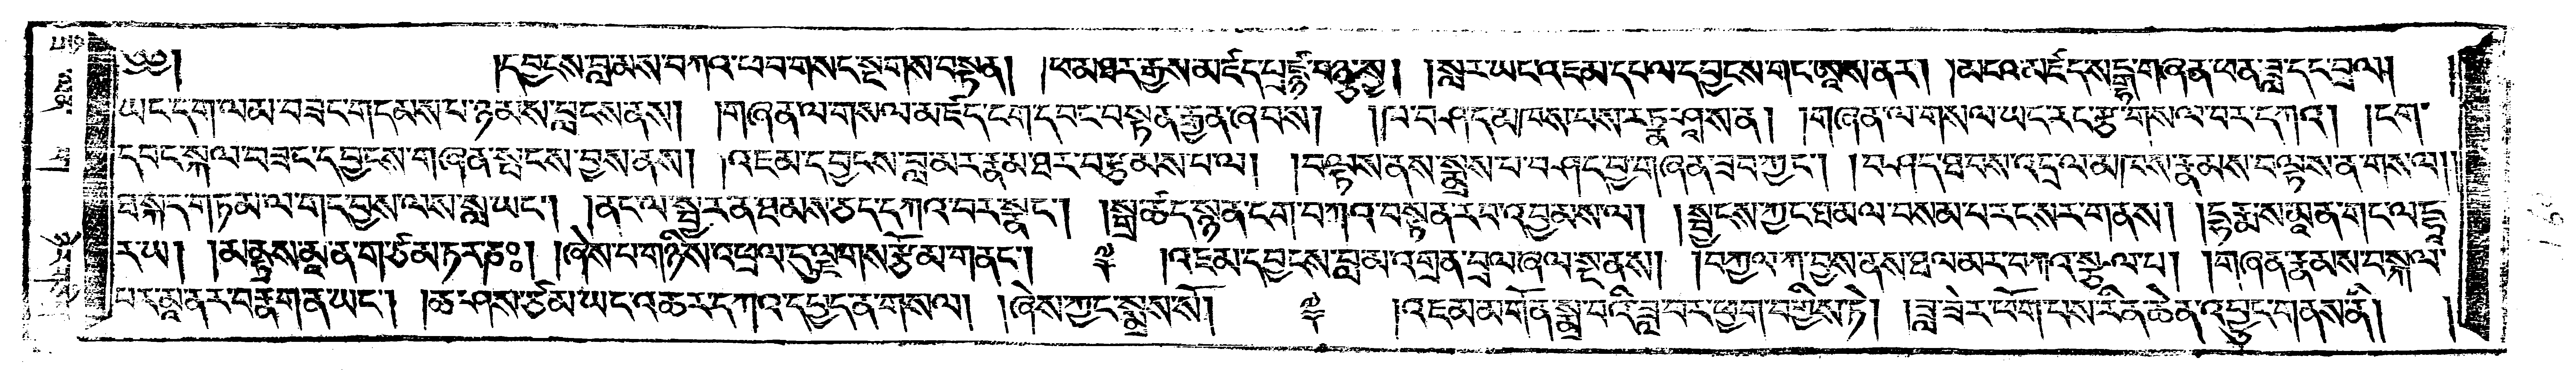༄༅། །དབྱངས་བླ་མས་བཀའ་ཕབ་གསང་སྔགས་བསྟན། །ཕ་མཐར་རྒྱས་མཛད་པྲཛྙ་པཉྩ་སྱ། །སླར་ཡང་འཇམ་དཔལ་དབྱངས་གང་ཨཱ་ས་ནར། །མངའ་མཛད་སངྒྷ་གཞན་ཕན་ཟླ་དང་བླང་། །
ཡང་དག་ལམ་བཟང་གདམས་པ་ཉམས་བླངས་ནས། །གཞན་ལ་གསལ་མཛད་ངག་དབང་བསྟན་རྒྱན་ཞབས། །ཁ་བཤད་མཁས་པས་རཏྣ་ཤཱ་ས་ན། །གཞན་ལ་གསལ་ཡང་རང་རྩ་གསལ་བར་དཀའ། །ངག་
དབང་སྐལ་བཟང་དབྱངས་གཞན་སྤངས་བྱས་ནས། །འཇམ་དབྱངས་བླ་མར་རྣམ་ཐར་བརྩམས་པ་ལ། །བལྟས་ནས་སྨྲས་པ་བཤད་བྱ་གཞན་ཟབ་ཀྱང་། །བཤད་ཐབས་འདྲ་ལ་མཁས་རྣམས་བལྟས་ན་གསལ།།
ཐ་སྐད་གཏམ་ལ་གང་བྱས་ལས་སླ་ཡང་། །ནང་ལ་སྦྱར་ན་ཐམས་ཅད་དཀའ་བར་སྣང་། །སྒྲ་ཚད་སྙན་ངག་བཀའ་བསྟན་རབ་འབྱམས་ལ། །སྦྱངས་ཀྱང་ཐ་མ་ལ་བསམ་པ་རང་སར་གནས། །དྷརྨ་ས་མཱན་གང་ལ་དྷཱ་
ར་ཡ། །མནྟས་མཱན་ག་ཙམ་ཏ་ར་ཎཿ། །ཞེས་པ་གཉིས་འཕྲལ་དུ་ལྗགས་རྩོམ་གནང་། ༈།འཇམ་དབྱངས་བླ་མ་འགྲན་བྲལ་ཞལ་སྔ་ནས། །བཀྱལ་ཀ་བྱས་ནས་ཐལ་མར་བཀའ་སྩལ་པ། །གཞན་རྣམས་བསྐལ་
པར་མཱན་ར་བརྣག་ན་ཡང་། །ཆ་ཤས་ཙམ་ཡང་འཆར་དཀའ་དཔྱད་ན་གསལ། །ཞེས་ཀྱང་སྨྲས་སོ། ༈ །འཇམ་མགོན་སྨྲ་བའི་ཟླ་བར་ཕྱག་བགྱིས་ཏེ། །ཟླ་ཟེར་ཕོག་པས་རིན་ཆེན་འབྱུང་གནས་ནི། །